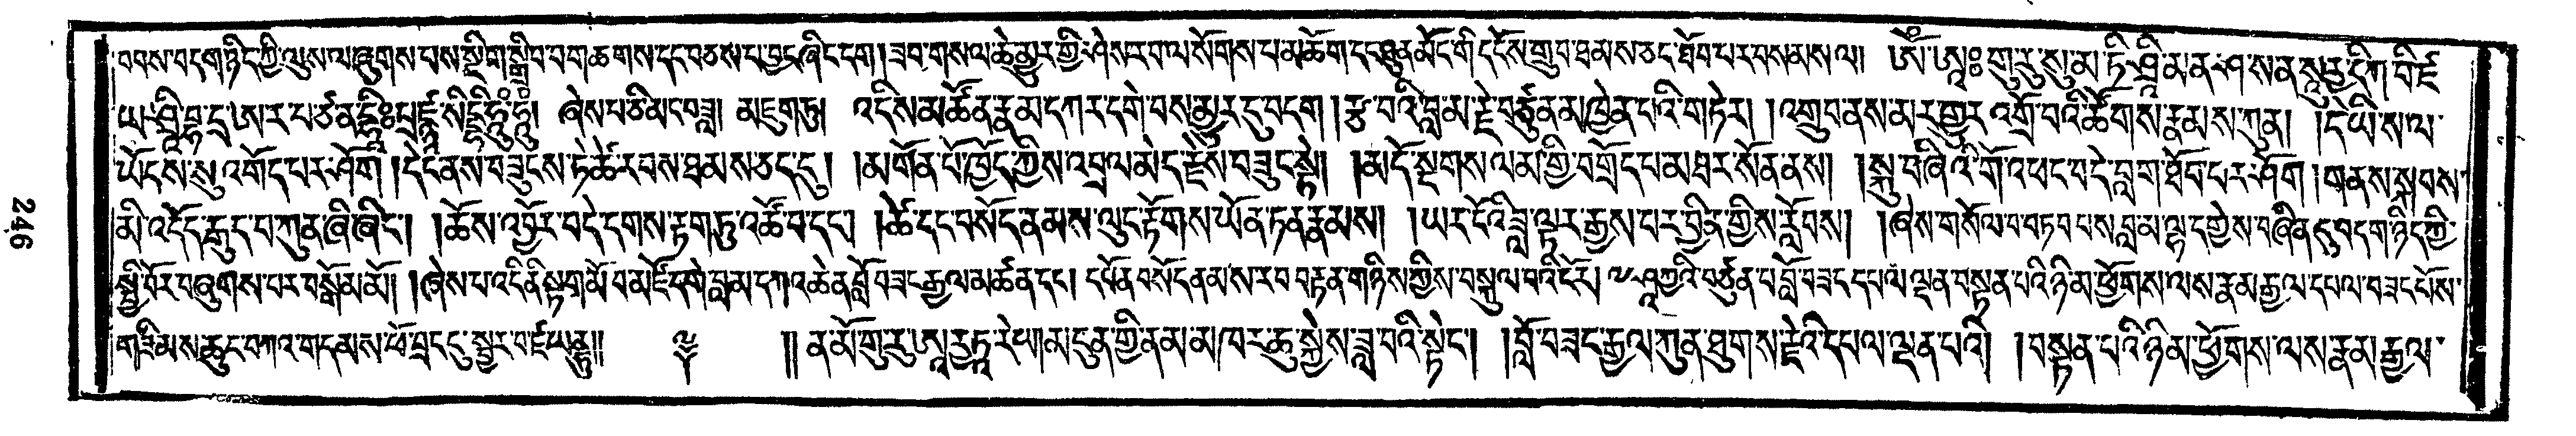བབས་བདག་ཉིད་ཀྱི་ལུས་ལ་ཞུགས་པས་སྡིག་སྒྲིབ་བག་ཆགས་དང་བཅས་པ་བྱང་ཞིང་དག །ཟབ་གསལ་ཆེ་མྱུར་གྱི་ཤེས་རབ་ལ་སོགས་པ་མཆོག་དང་ཐུན་མོང་གི་དངོས་གྲུབ་ཐམས་ཅད་ཐོབ་པར་བསམས་ལ། ཨོཾ་ཨཱཿ གུ་རུ་སུ་མ་ཏི་ཤྲཱི་མན་ཤ་ས་ན་སཱུརྱ་དིཀ་བི་ཛ་
ཡ་ཤྲཱི་བྷ་དྲ་ཨ་ར་པ་ཙ་ན་དྷཱིཿ པྲཛྙཱ་སིདྡྷི་ཧཱུཾ་ཧཱུཾ། ཞེས་པ་ཅི་མང་བཟླ། མཇུག་ཏུ། འདིས་མཚོན་རྣམ་དཀར་དགེ་བས་མྱུར་དུ་བདག །རྩ་བའི་བླ་མ་རྗེ་བཙུན་མཁྱེན་པའི་གཏེར། །འགྲུབ་ནས་མར་གྱུར་འགྲོ་བའི་ཚོགས་རྣམས་ཀུན། །དེ་ཡི་ས་ལ་
ཡོངས་སུ་འགོད་པར་ཤོག །དེང་ནས་བཟུངས་ཏེ་ཚེ་རབས་ཐམས་ཅད་དུ། །མགོན་པོ་ཁྱོད་ཀྱིས་འབྲལ་མེད་རྗེས་བཟུང་སྟེ། །མདོ་སྔགས་ལམ་གྱི་བགྲོད་པ་མཐར་སོན་ནས། །སྐུ་བཞིའི་གོ་འཕང་བདེ་བླག་ཐོབ་པར་ཤོག །གནས་སྐབས་
མི་འདོད་རྒུད་པ་ཀུན་ཞི་ཞིང་། །ཆོས་འབྱོར་བདེ་དགས་རྟག་ཏུ་འཚོ་བ་དང་། །ཚེ་དང་བསོད་ནམས་ལུང་རྟོགས་ཡོན་ཏན་རྣམས། །ཡར་ངོའི་ཟླ་ལྟར་རྒྱས་པར་བྱིན་གྱིས་རློབས། །ཞེས་གསོལ་བ་བཏབ་པས་བླ་མ་ལྷ་དགྱེས་བཞིན་དུ་བདག་ཉིད་ཀྱི་
སྤྱི་བོར་བཞུགས་པར་བསྒོམ་མོ། །ཞེས་པ་འདི་ནི་སྟག་མོ་བ་མཛོ་དགེ་བླ་མ་དཀའ་ཆེན་བློ་བཟང་རྒྱལ་མཚན་དང་། དཔོན་བསོད་ནམས་རབ་བརྟན་གཉིས་ཀྱིས་བསྐུལ་བའི་ངོར། ༧་ཤཱཀྱའི་བཙུན་པ་བློ་བཟང་དཔལ་ལྡན་བསྟན་པའི་ཉི་མ་ཕྱོགས་ལས་རྣམ་རྒྱལ་དཔལ་བཟང་པོས་
གཟིམས་ཆུང་བཀའ་གདམས་ཕོ་བྲང་དུ་སྦྱར་བ་ཛ་ཡནྟུ།། ༈ །།ན་མོ་གུ་རུ་ཨཱརྱ་ཏཱ་རེ་ཡ། མདུན་གྱི་ནམ་མཁར་ཆུ་སྐྱེས་ཟླ་བའི་སྟེང་། །བློ་བཟང་རྒྱལ་ཀུན་ཐུགས་རྗེའི་དཔལ་ལྡན་པའི། །བསྟན་པའི་ཉི་མ་ཕྱོགས་ལས་རྣམ་རྒྱལ་